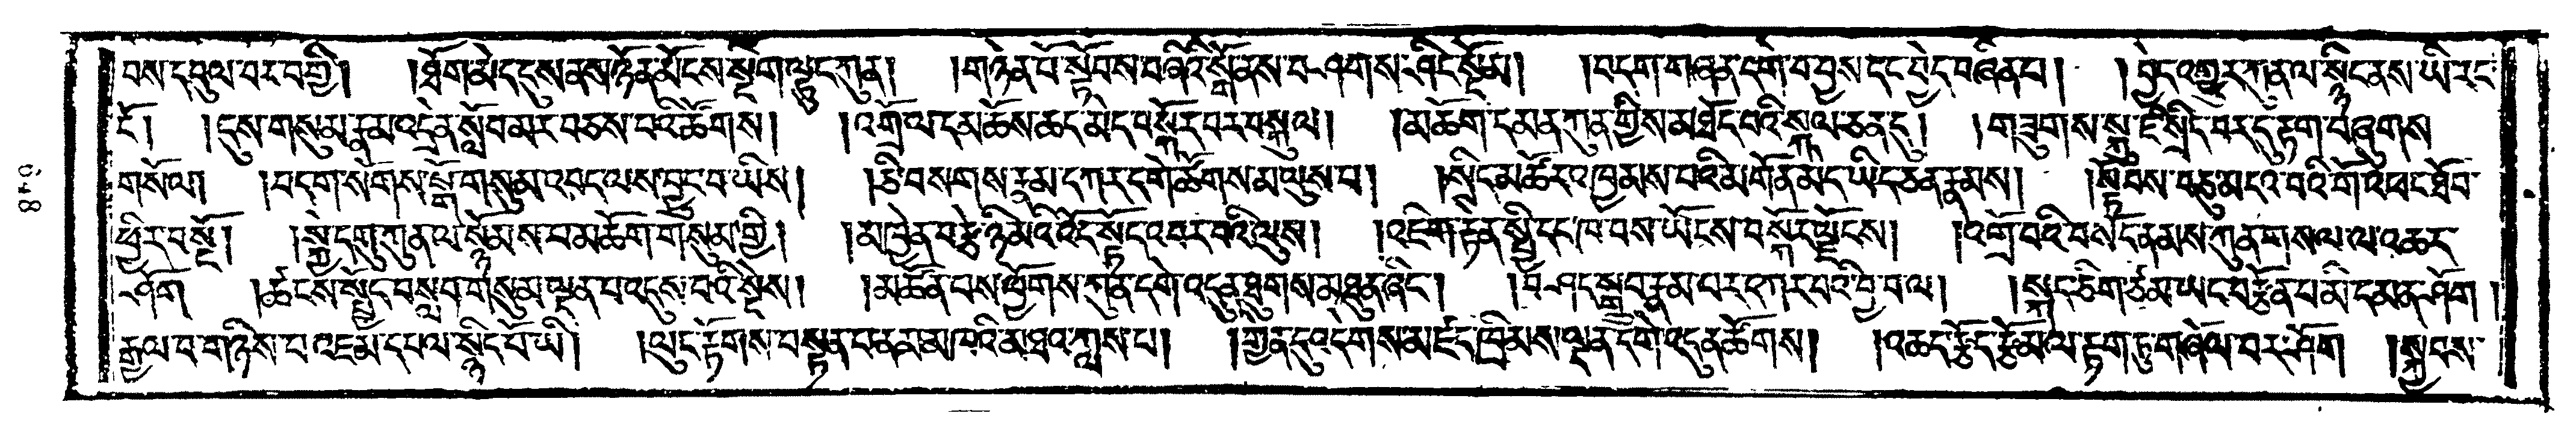བས་དབུལ་བར་བགྱི། །ཐོག་མེད་དུས་ནས་ཉོན་མོངས་སྡིག་ལྟུང་ཀུན། །གཉེན་པོ་སྟོབས་བཞིའི་སྒོ་ནས་བཤགས་ཤིང་སྡོམ། །བདག་གཞན་དགེ་བ་བྱས་དང་བྱེད་བཞིན་པ། །བྱེད་འགྱུར་ཀུན་ལ་སྙིང་ནས་ཡི་རང་
ངོ། །དུས་གསུམ་རྣམ་འདྲེན་སློབ་མར་བཅས་པའི་ཚོགས། །འགྲོ་ལ་དམ་ཆོས་ཆད་མེད་བསྐོར་བར་བསྐུལ། །མཆོག་དམན་ཀུན་གྱིས་མཐོང་བའི་སྐལ་ཅན་དུ། །གཟུགས་སྐུ་ཇི་སྲིད་བར་དུ་རྟག་བཞུགས་
གསོལ། །བདག་སོགས་སྒོ་གསུམ་འབད་ལས་བྱུང་བ་ཡིས། །ཅི་བསགས་རྣམ་དཀར་དགེ་ཚོགས་མ་ལུས་པ། །སྲིད་མཚོར་འཁྱམས་པའི་མགོན་མེད་ཡིད་ཅན་རྣམས། །སྟོབས་བཅུ་མངའ་བའི་གོ་འཕང་ཐོབ་
ཕྱིར་བསྔོ། །སྐྱེ་དགུ་ཀུན་ལ་སྙོམས་པ་མཆོག་གསུམ་གྱི། །མཁྱེན་བརྩེ་ཉི་མའི་འོད་སྟོད་འབར་བའི་ལུས། །འཇིག་རྟེན་སྤྱི་དང་ཁ་བས་ཡོངས་བསྐོར་ལྗོངས། །འགྲོ་བའི་བསོད་ནམས་ཀུན་གསལ་ལ་འཆར་
ཤོག །ཚངས་སྤྱོད་བསླབ་གསུམ་ལྡན་པ་འདུས་བའི་སྡེས། །མཚོན་པས་ཕྱོགས་ཀུན་དགེ་འདུན་ཐུགས་མཐུན་ཞིང་། །བཤད་སྒྲུབ་རྣམ་པར་དཀར་བའི་བྱ་བ་ལ། །སྐད་ཅིག་ཙམ་ཡང་བརྩོན་པ་མི་དམན་ཤོག་
རྒྱལ་བ་གཉིས་པ་འཇམ་དཔལ་སྙིང་པོ་ཡི། །ལུང་རྟོགས་བསྟན་པ་ནམ་མཁའི་མཐའ་ཀླས་པ། །གྱེན་དུ་འདེགས་མཛད་ཁྲིམས་ལྡན་དགེ་འདུན་ཚོགས། །འཆད་རྩོད་རྩོམ་ལ་རྟག་ཏུ་གཞོལ་བར་ཤོག །སྐྱབས་